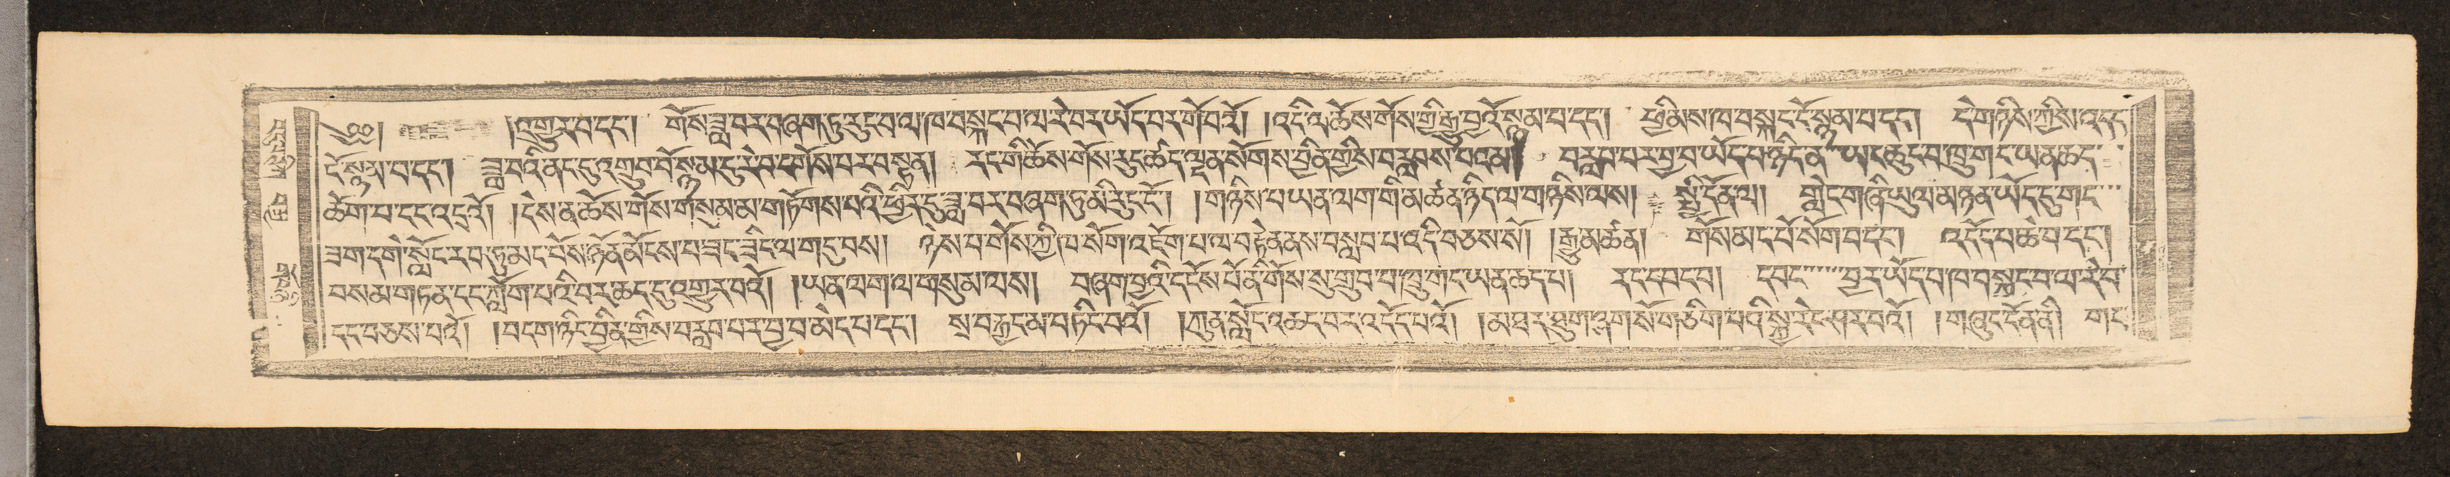༄༅། །འགྱུར་བ་དང་། གོས་ཟླ་བར་བཞག་ཏུ་རུང་བ་ལ་ཁ་བསྐང་བ་ལ་རེ་བར་ཡོད་པར་གོ་བའོ། །འདི་ལ་ཆོས་གོས་ཀྱི་རྒྱུ་བྱའོ་སྙམ་པ་དང་། ཕྱི་མས་ཁ་བསྐང་ངོ་སྙམ་པ་དང་། དེ་གཉིས་ཀྱིས་འདད་
ངོ་སྙམ་བ་དང་། ཟླ་བའི་ནང་དུ་འགྲུབ་བོ་སྙམ་དུ་རེ་བ་དགོས་པར་བསྟན། རང་གི་ཆོས་གོས་རུང་ཚད་ལྡན་སོགས་བྱིན་གྱིས་བརླབས་པའམ། བརླབ་པར་བྱ་བ་ཡོད་པ་ཉིད་ན་ཡང་ཆུང་བ་ཁྲུ་གང་ཡན་ཆད་
ཆོག་པ་དང་འདྲའོ། །དེས་ན་ཆོས་གོས་གསུམ་མ་གཏོགས་པའི་ཕྱིར་དུ་ཟླ་བར་བཞག་ཏུ་མི་རུང་ངོ། །གཉིས་པ་ཡན་ལག་གི་མཚན་ཉིད་ལ་གཉིས་ལས། སྤྱི་དོན་ལ། གླེང་གཞི་ཡུལ་མཉན་ཡོད་དུ་གང་
ཟག་དགེ་སློང་རབ་ཏུ་མང་པོ་ས་ཉོན་མོངས་བ་ཟང་ཟིང་ལ་གདུ་བས། ཉེས་པ་གོས་ཀྱི་ཁ་སོག་འཇོག་པ་ལ་བརྟེན་ནས་བསླབ་པ་འདི་བཅས་སོ། །རྒྱུ་མཚན། གོས་མང་པོ་སོག་པ་དང་། འདོད་པ་ཆེ་བ་དང་།
བསམ་གཏན་དང་ཀློག་པའི་བར་ཆད་དུ་འགྱུར་བའོ། །ཡན་ལག་ལ་གསུམ་ལས། བཞག་བྱའི་དངོས་པོ་ནི་གོས་སུ་གྲུབ་པ་ཁྲུ་གང་ཡན་ཆད་པ། རང་དབང་བ། དབང་བྱར་ཡོད་པ་ཁ་བསྐྱང་བ་ལ་རེ་བ་
དང་བཅས་པའོ། །བདག་ཉིད་བྱིན་གྱིས་བརླབ་པར་བྱ་བ་མེད་པ་དང་། སྲ་བརྐྱད་མ་བཏིང་བའོ། །ཀུན་སློང་འཆད་བར་འདོད་པའོ། །མཐར་ཐུག་ཞག་སོ་གཅིག་པའི་སྐྱ་རེང་ཤར་བའོ། །གཞུང་དོན་ནི། གང་